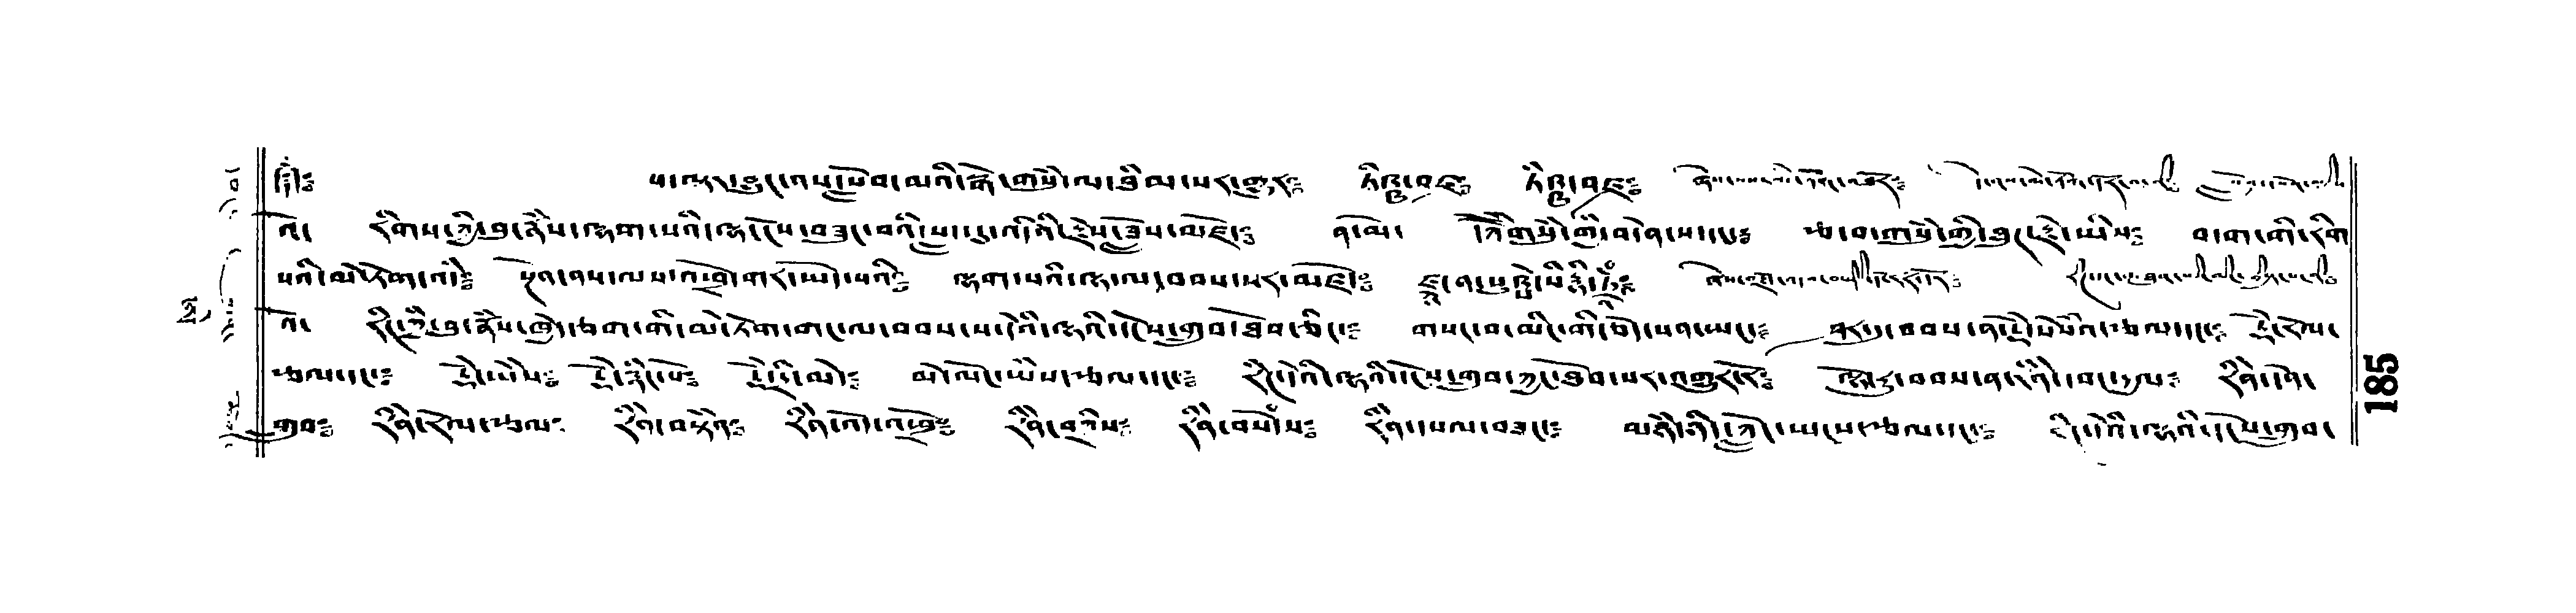པ་ལྟར་བྱུང་ནས་སློབ་མའི་སྒོ་གསུམ་ལ་ཐིམ་པར་གྱུར༔ ཏིཥྛ་བཛྲ༔ ཞེས་པས་མེ་ཏོག་འཐོརཿ དེ་ནས་མེ་ཏོག་དོར་བ་ནི༔ སློབ་དཔོན་གྱིས༔ 
འོ༔ རིགས་ཀྱི་བུ་རྣམས་ལྷག་པའི་ལྷ་ངོས་བཟུང་བའི་སླད་དུ་འདིའི་རྗེས་ཟློས་མཛོད༔ ན་མོ༔ དཀོན་མཆོག་གསུམ་བདེན་པ་དང༔ རྩ་བ་གསུམ་གྱི་ཐུགས་རྗེ་ཡིས༔ བདག་གི་རིག་
པའི་མེ་ཏོག་འདི༔ སྔོན་ནས་ལས་འཕྲོ་གར་ཡོད་པའི༔ ལྷག་པའི་ལྷ་ལ་བབས་པར་མཛོད༔ ཛྙཱ་ན་པུཥྤེ་སིདྡྷི་ཏྲཱྃ༔ ཞེས་བརྗོད་འདབ་བཞིའི་དོ་རར་དོར༔ རིགས་དང་མཐུན་པའི་མིང་བྱིན་པ་ནི༔ 
འོ༔ རིགས་ཀྱི་བུ་རྣམས་ཁྱེད་ཅག་གི་མེ་ཏོག་གང་ལ་བབས་པ་ལྷ་དེའི་དངོས་གྲུབ་ཐོབ་ཅིང༔ གསང་བ་མིང་གི་ཅོད་པཎ་ཡང༔ ཤར་དུ་བབས་ན་རྡོ་རྗེ་སེམས་དཔའ་རྩལ་དང༔ རྡོ་རྗེ་རོལ་
རྩལ་དང༔ རྡོ་རྗེ་ཡེ་ཤེས༔ རྡོ་རྗེ་དྲི་མེད༔ མེ་ལོང་ཡེ་ཤེས་རྩལ་དང༔ རིགས་དེའི་ལྷའི་དངོས་གྲུབ་ཀྱང་ཐོབ་པར་འགྱུར་རོ༔ ལྷོ་རུ་བབས་ན་རིན་ཆེན་དབང་རྒྱལ༔ རིན་ཆེན་དོན་
གྲུབ༔ རིན་ཆེན་རོལ་རྩལ༔ རིན་ཆེན་བསྟན་མ༔ རིན་ཆེན་འོད་འཕྲོ༔ རིན་ཆེན་བཀྲ་ཤིས༔ རིན་ཆེན་བསོད་ནམས༔ རིན་ཆེན་དཔལ་བཟང༔ མཉམ་ཉིད་ཀློང་ཡངས་རྩལ་དང༔ རིགས་དེའི་ལྷའི་དངོས་གྲུབ་